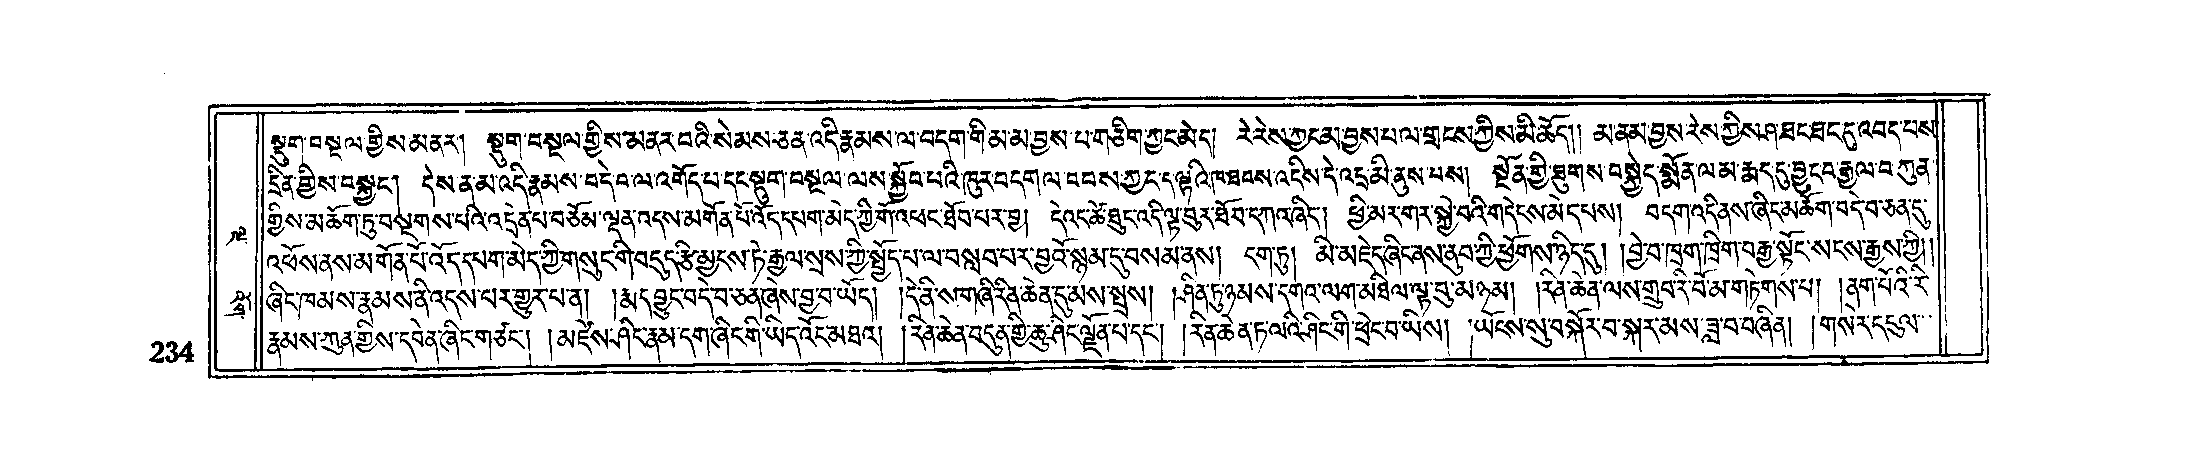སྡུག་བསྔལ་གྱིས་མནར། སྡུག་བསྔལ་གྱིས་མནར་བའི་སེམས་ཅན་འདི་རྣམས་ལ་བདག་གི་མ་མ་བྱས་པ་གཅིག་ཀྱང་མེད། རེ་རེས་ཀྱང་མ་བྱས་པ་ལ་གྲངས་ཀྱིས་མི་ཆོད། །མ་ནམ་བྱས་རེས་ཀྱིས་ཤ་ཐང་ཐང་དུ་འབད་པས་
དྲིན་གྱིས་བསྐྱང་། དེས་ན་མ་འདི་རྣམས་བདེ་བ་ལ་འགོད་པ་དང་སྡུག་བསྔལ་ལས་སྐྱོབ་པའི་ཁུར་བདག་ལ་བབས་ཀྱང་ད་ལྟའི་ཁ་ཐབས་འདིས་དེ་འདྲ་མི་ནུས་པས། སྔོན་གྱི་ཐུགས་བསྐྱེད་སྨོན་ལམ་རྨད་དུ་བྱུང་བ་རྒྱལ་བ་ཀུན་
གྱིས་མཆོག་ཏུ་བསྔགས་པའི་འདྲེན་པ་བཅོམ་ལྡན་འདས་མགོན་པོ་འོད་དཔག་མེད་ཀྱི་གོ་འཕང་ཐོབ་པར་བྱ། དེའང་ཚེ་ཐུང་འདི་ལྟ་བུར་ཐོབ་དཀའ་ཞིང་། ཕྱི་མར་གར་སྐྱེ་བའི་གདེངས་མེད་པས། བདག་འདི་ནས་ཞིང་མཆོག་བདེ་བ་ཅན་དུ་
འཕོས་ནས་མགོན་པོ་འོད་དཔག་མེད་ཀྱི་གསུང་གི་བདུད་རྩི་མྱངས་ཏེ་རྒྱལ་སྲས་ཀྱི་སྤྱོད་པ་ལ་བསླབ་པར་བྱའོ་སྙམ་དུ་བསམ་ནས། ངག་ཏུ། མི་མཇེད་ཞིང་ནས་ནུབ་ཀྱི་ཕྱོགས་ཉིད་དུ། །བྱེ་བ་ཁྲག་ཁྲིག་བརྒྱ་སྟོང་སངས་རྒྱས་ཀྱི། །
ཞིང་ཁམས་རྣམས་ནི་འདས་པར་གྱུར་པ་ན། །རྨད་བྱུང་བདེ་བ་ཅན་ཞེས་བྱ་བ་ཡོད། །དེ་ནི་ས་གཞི་རིན་ཆེན་དུ་མས་སྤྲས། །ཤིན་ཏུ་ཉམས་དགའ་ལག་མཐིལ་ལྟ་བུ་མཉམ། །རིན་ཆེན་ལས་གྲུབ་རི་བོ་མ་གཏེགས་པ། །ནག་པོའི་རི་
རྣམས་ཀུན་གྱིས་དབེན་ཞིང་གཙང་། །མཛེས་ཤིང་རྣམ་དག་ཞིང་གི་ཡིད་འོང་མཐའ། །རིན་ཆེན་བདུན་གྱི་ཆུ་ཤིང་ལྗོན་པ་དང་། །རིན་ཆེན་ཏ་ལའི་ཤིང་གི་ཕྲེང་བ་ཡིས། །ཡོངས་སུ་བསྐོར་བ་སྐར་མས་ཟླ་བ་བཞིན། །གསེར་དངུལ་